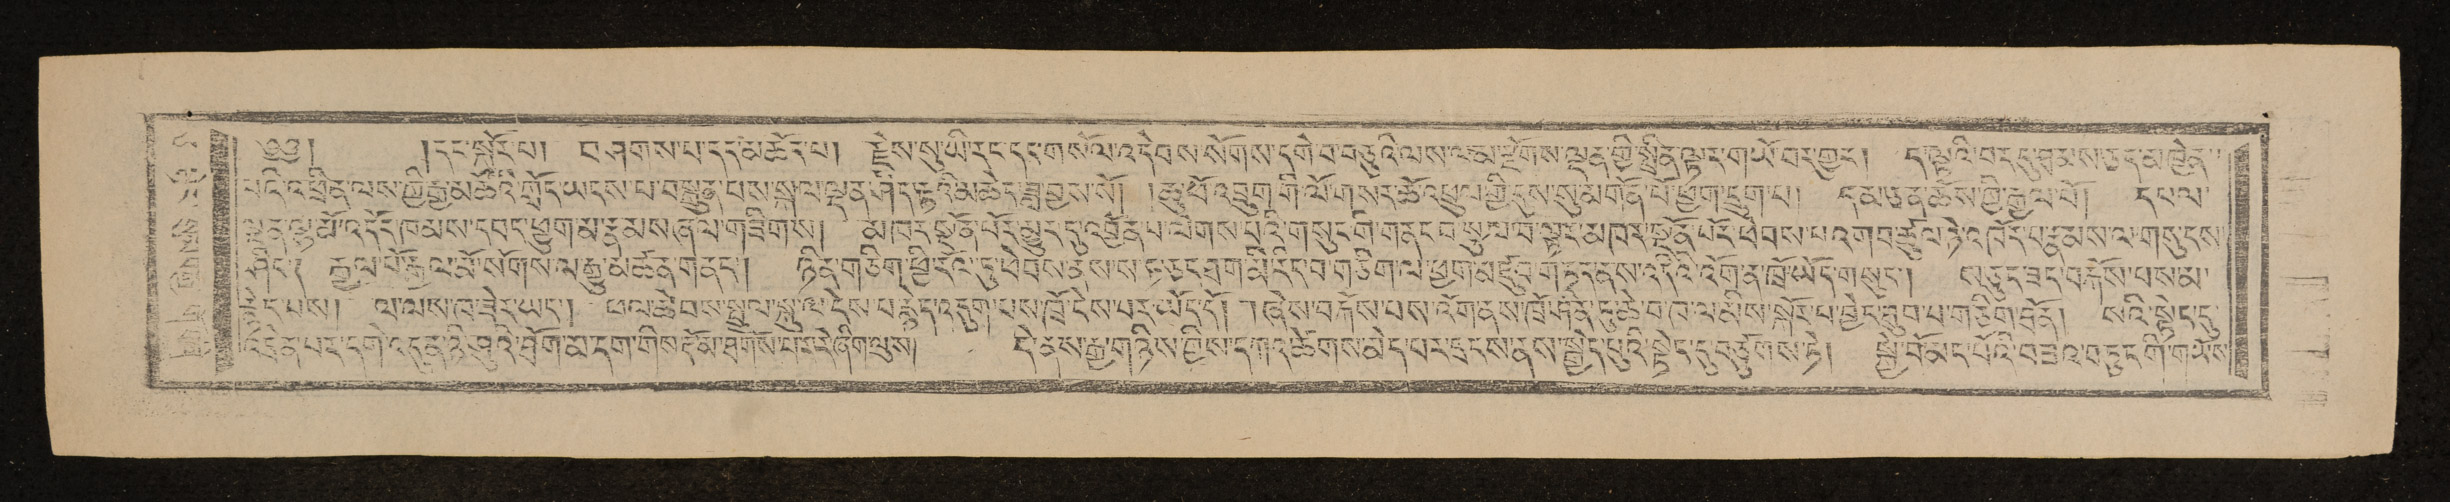༄༅། །དང་སྐོར་པ། གཤགས་པ་དང་མཆོད་པ། རྗེས་སུ་ཡི་རང་དང་གསོལ་འདེབས་སོགས་དགེ་བ་བཅུའི་ལས་ལམ་རྫོགས་ལྡན་གྱི་སྤྲིན་ལྟར་གཡོ་བར་གྱུར། ད་ལྟའི་བར་དུ་ཐམས་ཅད་མཁྱེན་
པའི་འཕྲིན་ལས་ཀྱི་རྒྱ་མཚོའི་ཀློང་ཡངས་པ་བསྐྲུན་པས་སྐལ་ལྡན་ཤིང་རྟའི་མཆེད་ཟླ་བྱས་སོ། །ཆུ་ལོ་འབྲུག་གི་ལོ་གསར་ཆོ་འཕྲུལ་གྱི་དུས་སུ་མགོན་པོ་ཕྱག་དྲུག་པ། དམ་ཅན་ཆོས་ཀྱི་རྒྱལ་པོ། དཔལ་
ལྡན་ལྷ་མོ་འདོད་ཁམས་དབང་ཕྱུག་མ་རྣམས་ཞལ་གཟིགས། མཁར་སྔོན་པོར་མྱུར་དུ་འབྱོན་པ་ལེགས་པའི་གསུང་གི་གནང་བ་སྩལ་བ་ལྟར་མཁར་སྔོན་པོར་ཕེབས་པ་འགབ་ཚུལ་ཉེ་འཁོར་པ་རྣམས་ལ་གསུངས་
ཤིང༑ རྒྱལ་པོ་རྒྱལ་མོ་སོགས་ལ་རྒྱུ་མཚན་གནང་། ཉིན་གཅིག་ཕྱི་རོལ་ཏུ་ཕེབས་ནས་ས་ཧ་ཅང་ཐག་མི་རིང་བ་གཅིག་ལ་ཕྱག་མཛུབ་གཏད་ནས་འདིའི་འོག་ན་ཁྲོ་ཡོད་གསུང་། ས་ཅུང་ཟད་བརྐོས་པས་མ་
རྙེད་པས། ལ་ལས་ཁ་ཟེར་ཡང་། ཕལ་ཆེ་བས་སྤྲུལ་སྐུ་ལ་ངེས་པ་རྙེད་འདུག་པས་ཁྲོ་ངེས་པར་ཡོད་དོ། །ཞེས་བརྐོས་པས་འོག་ནས་ཁྲོ་ཤིན་ཏུ་ཆེ་བ་ཁ་ལ་མིས་སྐོར་པ་བྱེད་ཐུབ་པ་གཅིག་ཐོན། སའི་སྟེང་དུ་
འདྲེན་པར་དགེ་འདུན་ཉི་ཤུའི་ཐོག་མ་དག་གིས་རྔོ་མ་ཐོགས་པར་རེ་ཞིག་ལུས། དེ་ནས་རྒྱ་གཉིས་ཀྱིས་དཀའ་ཚེགས་མེད་པར་དྲངས་ནས་སྒྱེད་པུའི་སྟེང་དུ་བཙུགས་ཏེ། སྐྱེ་བོ་མང་པོའི་བཟའ་བཏུང་གི་གཡོས་